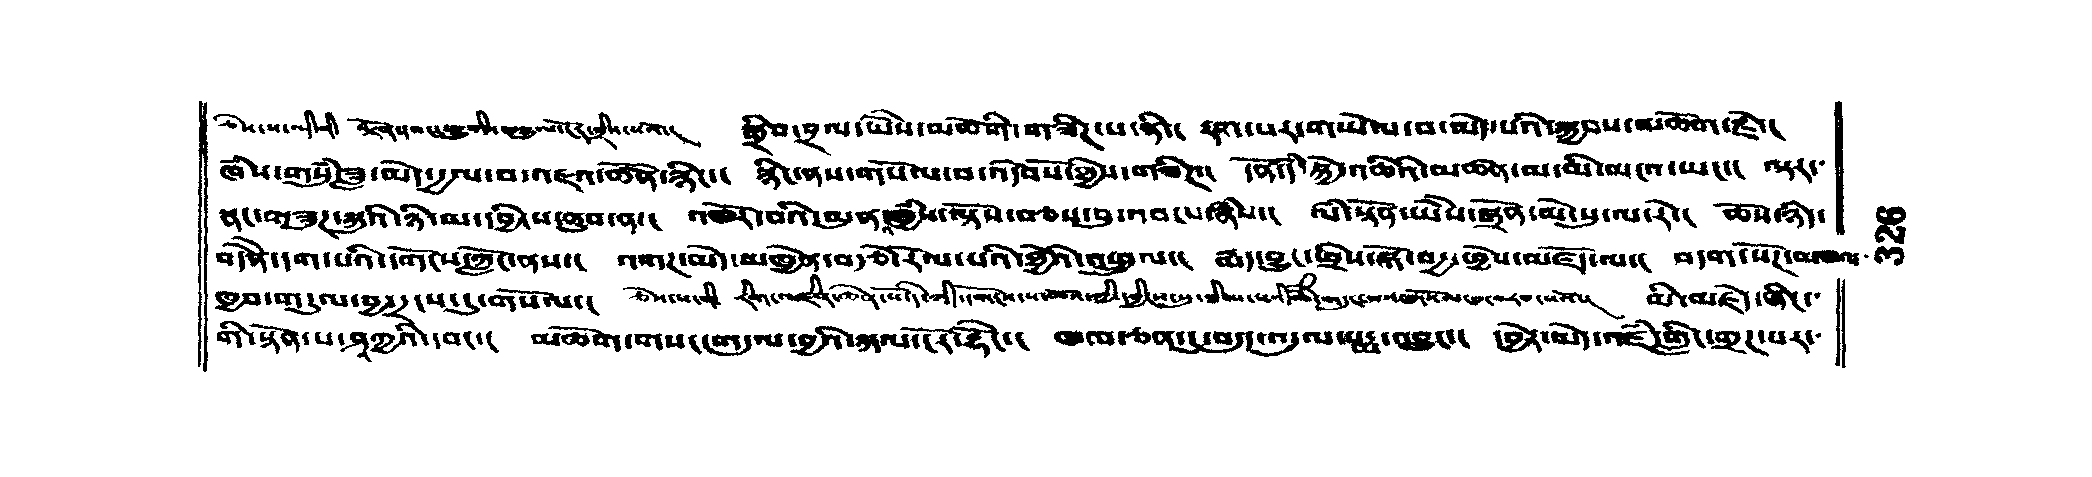ཅེས་པ་འདི་ནི། ཡོན་ཏན་དབང་ཕྱུག་གིས་བསྐུལ་ངོར་བྲིས་པའོ།། སྒྲིབ་བྲལ་ཡེ་ཤེས་མཆོག་གི་གཟིགས་པ་ནི། །རྟག་པར་གཡེལ་བ་མེད་པའི་སྐྱབས་མཆོག་རྗེ། །
ཁམས་གསུམ་ཟླ་མེད་རྒྱལ་བ་འཇའ་ཚོན་སྙིང་། །སྙིང་ནས་གསོལ་བ་འདེབས་སོ་ཐུགས་རྗེས་གཟིགས། །དོན་དམ་སྐྱེ་འཆིའི་མཚན་མ་མི་མངའ་ཡང་། །ལྟར་
སྣང་གཟུགས་སྐུའི་ཉི་མ་དབྱིངས་ནུབ་ན། །འཁོར་བའི་མུན་འཁྱམས་ལྟོས་བཅས་བུ་འབངས་རྣམས། །ལམ་སྟོན་ཡེ་ཤེས་སྒྲོན་མེ་སུ་ལ་རེ། །ཆོས་ཉིད་
བདེ་ཆེན་དག་པའི་དགོངས་ཀློང་ནས། །འགགས་མེད་མཁྱེན་བརྩེ་རོལ་པའི་ཐུགས་རྗེའི་འཕྲུལ། །རྨད་བྱུང་ཕྲིན་ལས་སྒོ་བརྒྱ་ཕྱེས་མཛོད་ལ། །བདག་སོགས་མཁའ་
ཁྱབ་གདུལ་བྱ་དྲང་ཏུ་གསོལ།ཅེས་པ་ནི་རིག་འཛིན་ཆེན་པོ་དེ་ཉིད་དགོངས་པ་ཆོས་ཀྱི་དབྱིངས་སུ་ཐིམ་པའི་ཚེ་གདུང་པས་གསོལ་བ་བཏབ་པའོ།། མི་མཇེད་ཞིང་
གི་སྟོན་པ་ཤཱཀྱའི་དབང་། །མཆོག་གསང་གདུལ་བྱའི་སྐལ་ངོར་རྡོ་རྗེ་འཆང་། །ཁ་བ་ཅན་དུ་བདུད་འདུལ་པདྨ་འབྱུང་། །དབྱེར་མེད་འཛམ་གླིང་གྲགས་པར་